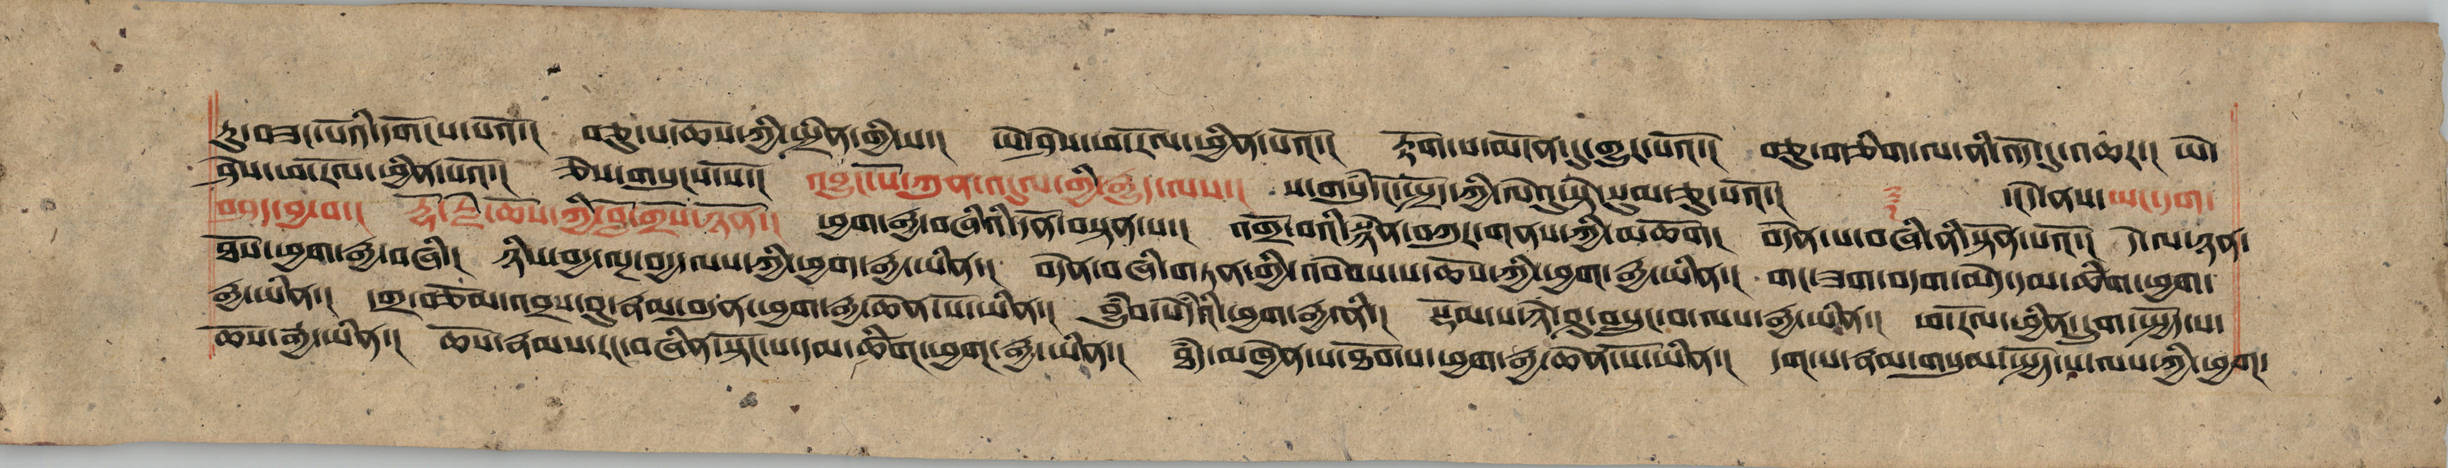ཏུ་བཟང་པོའི་དགོངས་པའོ་། བཅུ་པ་ཆོས་ཀྱི་སྤྲིན་གྱི་ས་། ཡེ་ཤེས་ཕ་རོལ་ཕྱིན་པའོ་། རྟོག་པ་མངོན་དུ་གྱུར་པའོ་། བཅུ་གཅིག་ལ་ནི་འོད་དུ་འཆར་། ཡེ་
ཤེས་ཕ་རོལ་ཕྱིན་པའོ་། ཅེས་གསུངས་སོ་། འབྱུང་པོ་ཀུན་འདུལ་གྱི་རྒྱུད་ལས་། ས་གསུཾ་ངོ་སྤྲོད་ཀྱི་ལེའུ་སྟེ་སུམ་ཅུ་པའོ་། ༈ ་།དེ་ནས་ཡང་དག་
བཤད་བྱ་བ་། རྡོ་རྗེ་ཆོས་ཀྱི་བློ་གྲོས་ཉོན་། ཕྱག་རྒྱ་བཞིའི་དོན་བསྟན་པ་། འགྲོ་བའི་སྙེན་བཀུར་གནས་ཀྱི་མཆོག། བདེན་པ་བཞི་ནི་སྟོན་པའོ་། དེ་ལ་ཉན་
ཐོས་ཕྱག་རྒྱ་བཞི་། ཉིས་བདྱ་ལྔ་བདྱ་ལས་ཀྱི་ཕྱག་རྒྱ་ཡིན་། བདེན་བཞི་གཏན་གྱི་འབེབས་པ་ཆོས་ཀྱི་ཕྱག་རྒྱ་ཡིན་། གང་ཟག་བདག་མེད་དམ་ཚིག་ཕྱག་
རྒྱ་ཡིན་། དགྲ་བཅོམ་འབྲས་བུ་རྣམ་བདུན་ཕྱག་རྒྱ་ཆེན་པོ་ཡིན་། བྱུཾབ་སེཾདའི་ཕྱག་རྒྱ་ནི་། སྡོམ་པ་ཉེ་ཤུ་བསྲུངས་བ་ལས་རྒྱ་ཡིན་། ཕ་རོལ་ཕྱིན་དྲུག་སྤྱོད་པ་
ཆོས་རྒྱ་ཡིན་། ཆོས་རྣམས་རང་བཞིན་སྟོང་པ་དམ་ཚིག་ཕྱག་རྒྱ་ཡིན་། ཐཾད་མཁྱེན་པ་ཐོབ་པ་ཕྱག་རྒྱ་ཆེན་པོ་ཡིན་། དག་པ་རྣམ་གསུམ་སྤྱོད་པ་ལས་ཀྱི་ཕྱག་